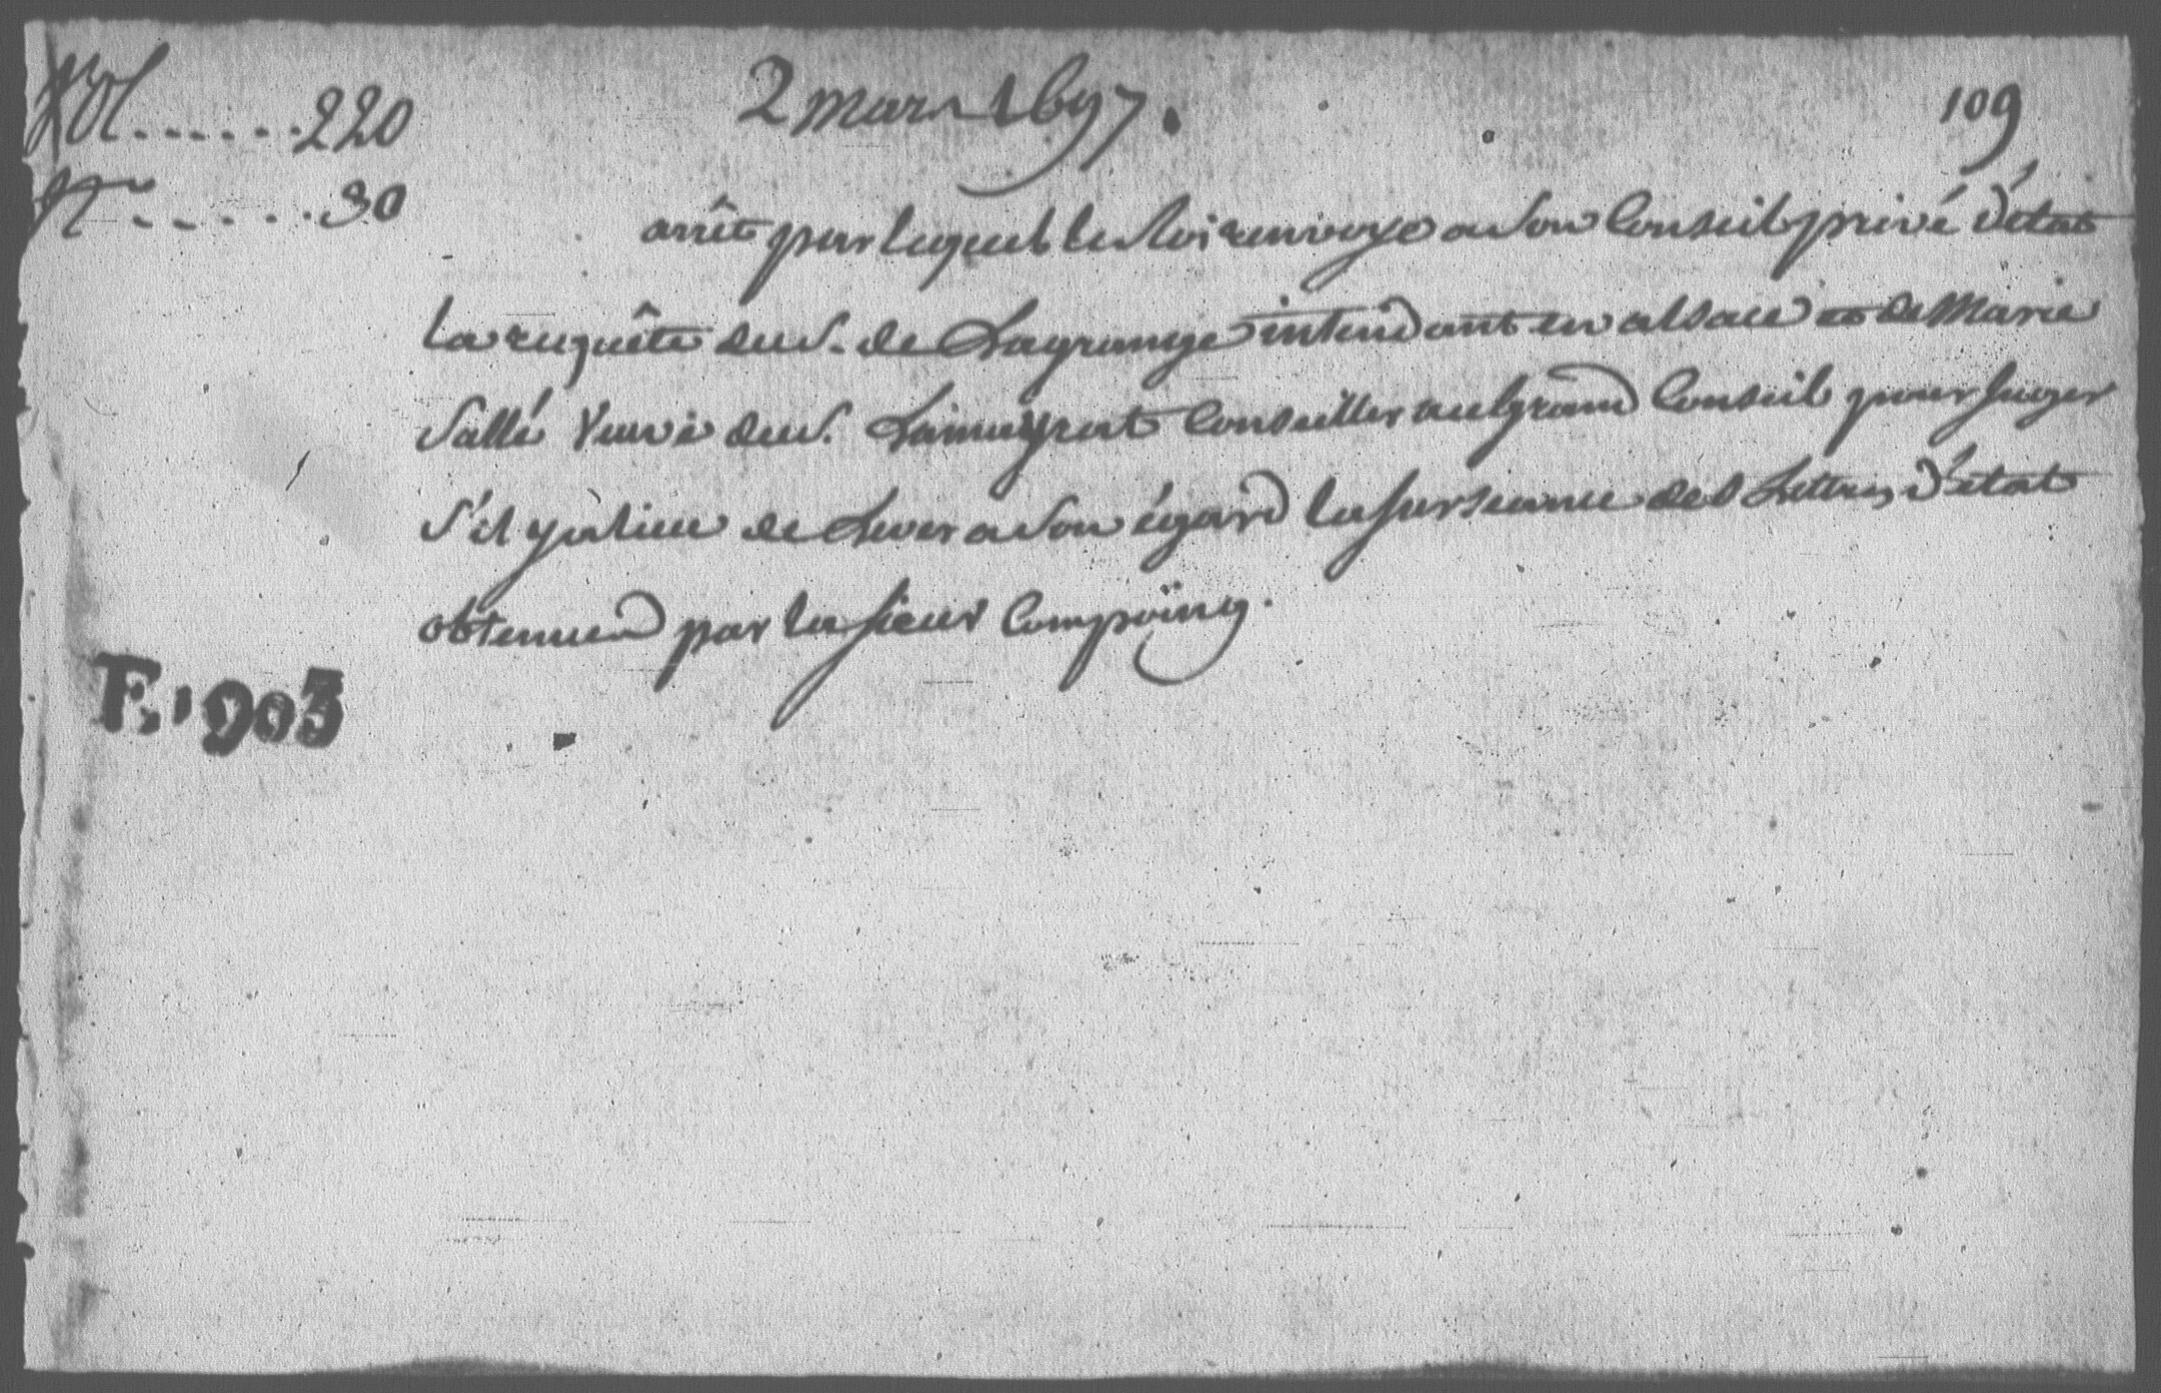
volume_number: n°30
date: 2 mars 1697
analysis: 109
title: arrêt par lequel le Roi renvoye à son Conseil privé d'etat la requête du S. de Lagrange intendant en alsace et de Marie Sallé veuve du S. Lemayrat conseiller au grand conseil pour juger s'il y a lieu de lever a son égard la surseance des lettres d'etat obtenues par le Sieur Compoinq.
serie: E
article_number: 1903
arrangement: vol. 220
